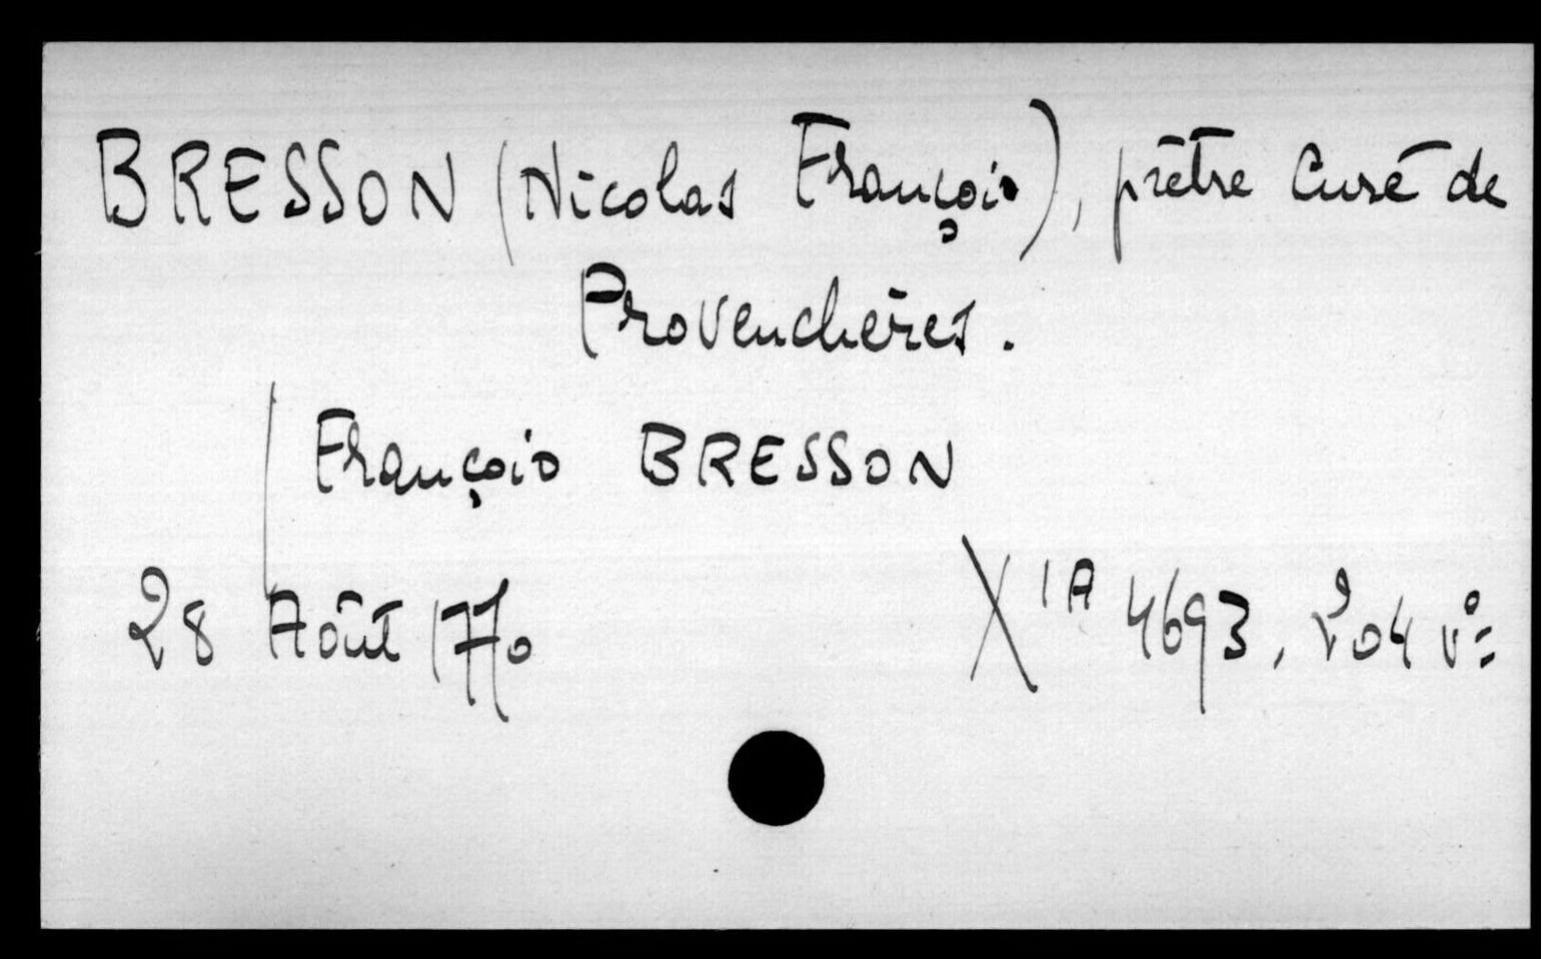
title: BRESSON (Nicolas François), prêtre curé de Provenchères.
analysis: Contre François BRESSON
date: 28 août 1770
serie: X1A
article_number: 4693
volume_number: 204v
